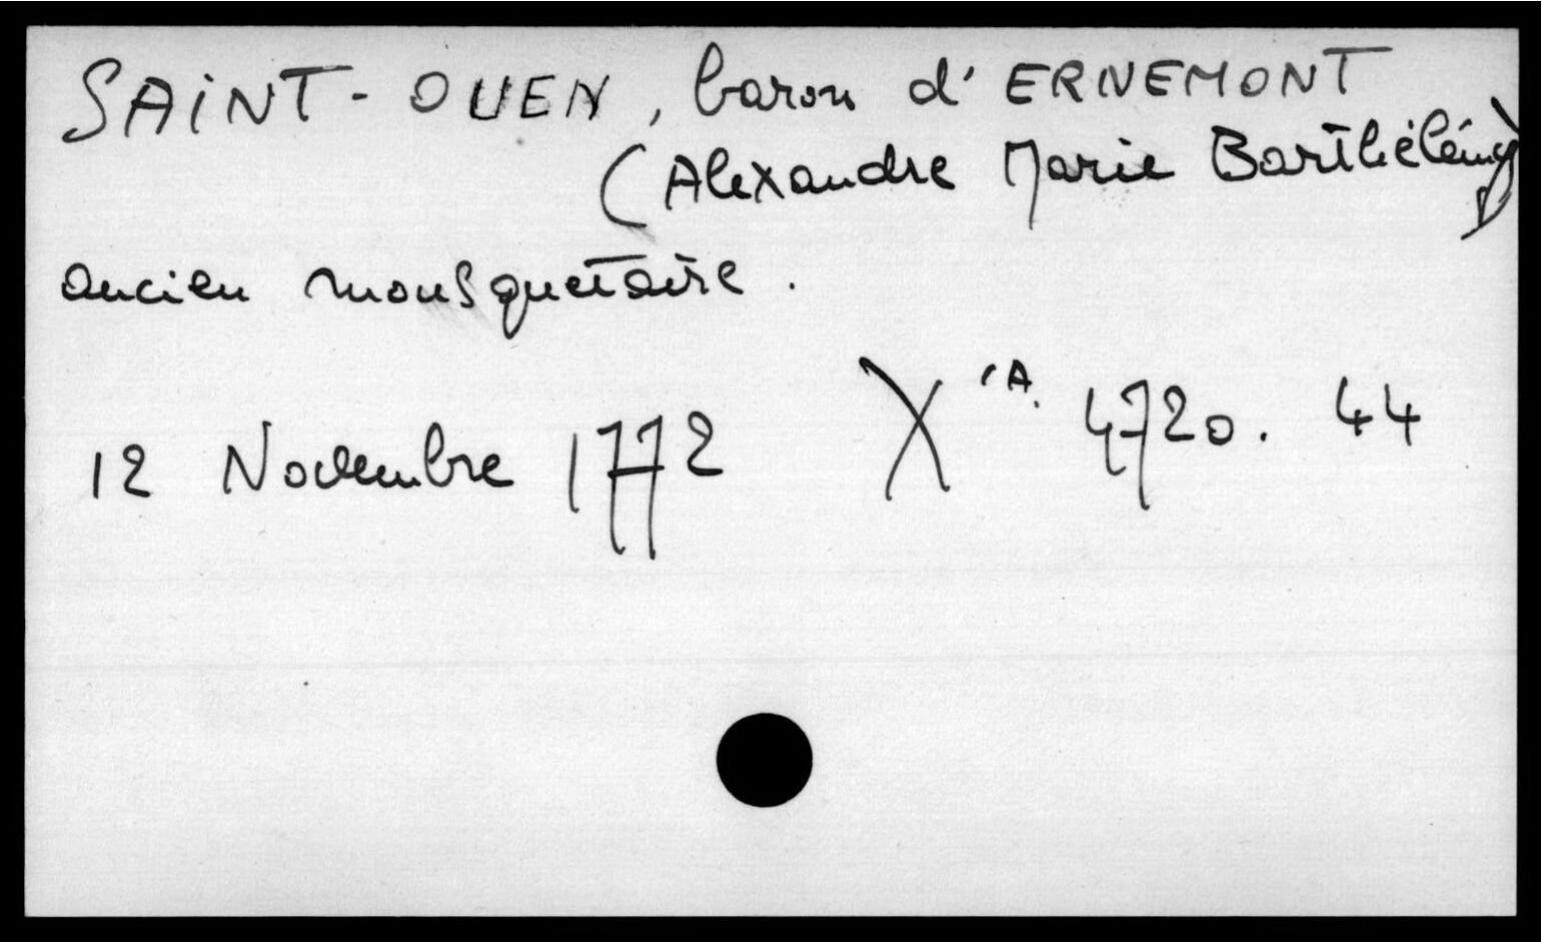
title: SAINT-OUEN, baron d'ERNEMONT (Alexandre Marie Barthélémy) ancien mousquetaire
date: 12 novembre 1772
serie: X1A
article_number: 4720
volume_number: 44
